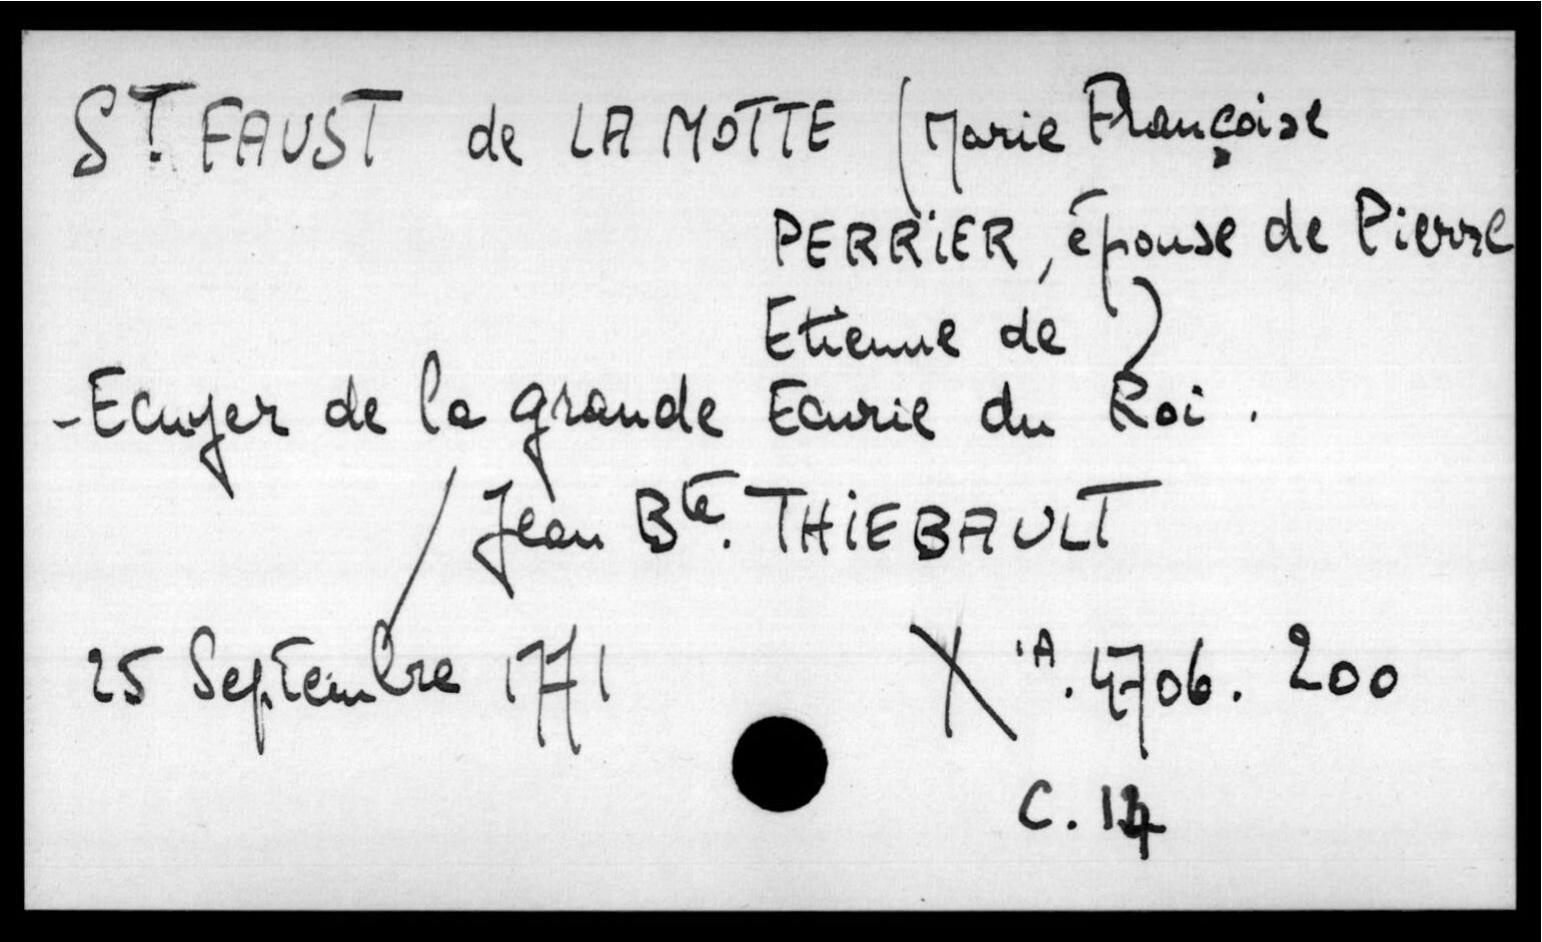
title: SAINT-FAUST de LA MOTTE (Marie Françoise PERRIER, épouse de Pierre Étienne de ) Ecuyer de la grande Ecurie du roi
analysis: Contre Jean Baptiste THEBAULT
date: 25 septembre 1771
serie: X1A
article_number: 4706
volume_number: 200 Conseil 14
